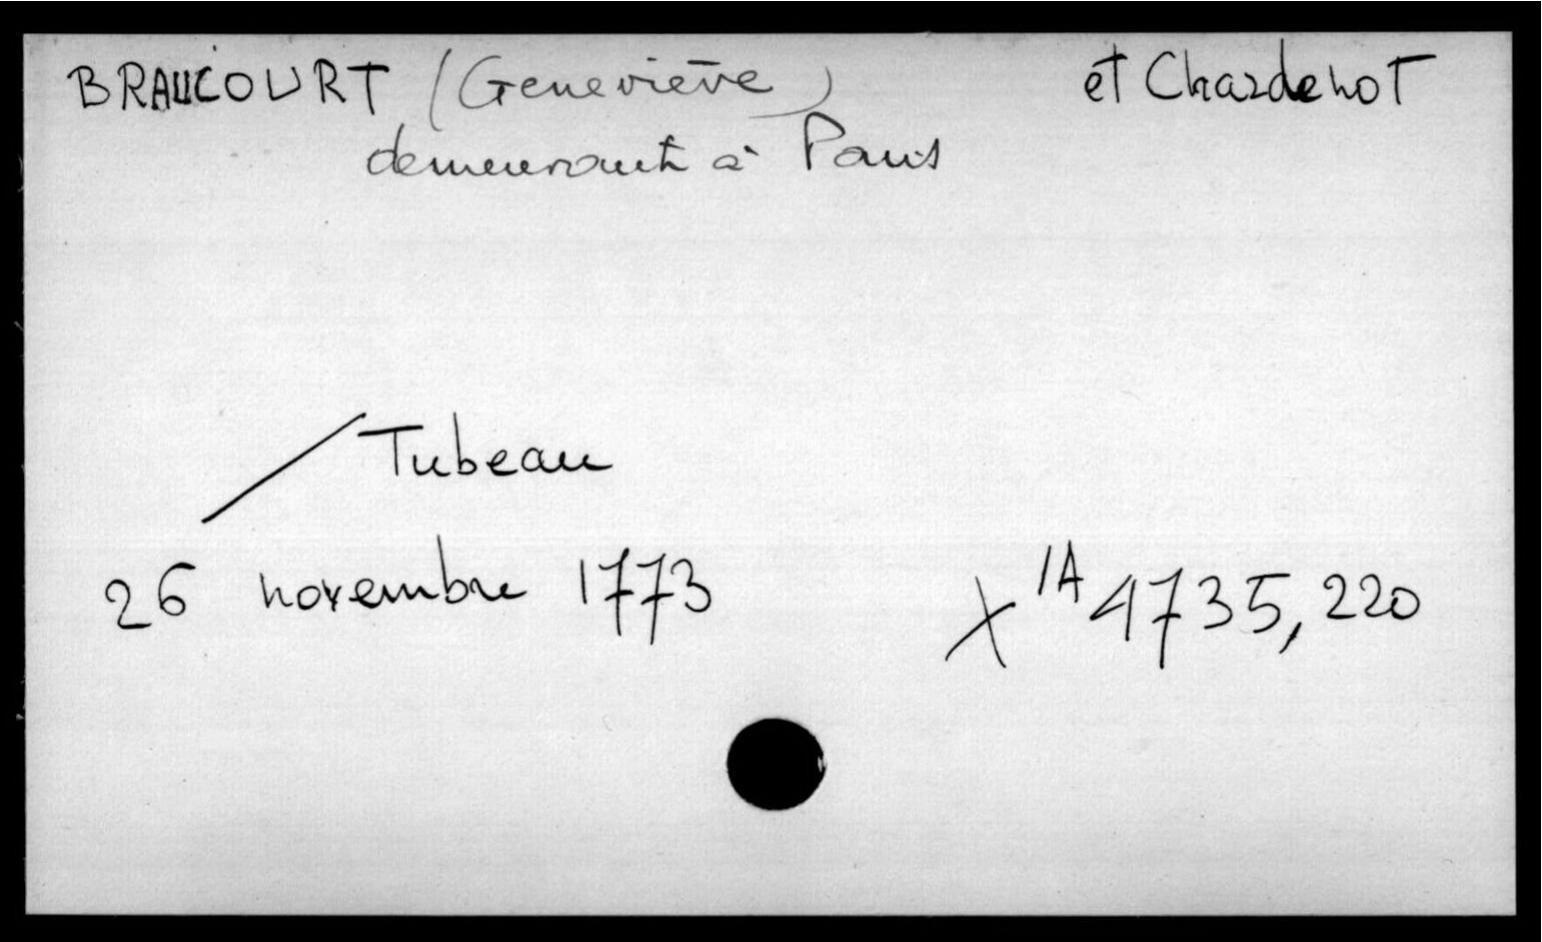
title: BRAUCOURT (Geneviève) et Chardenot demeurants à Paris
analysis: Contre Tubeau
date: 26 novembre 1773
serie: X1A
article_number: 4735
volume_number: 220
